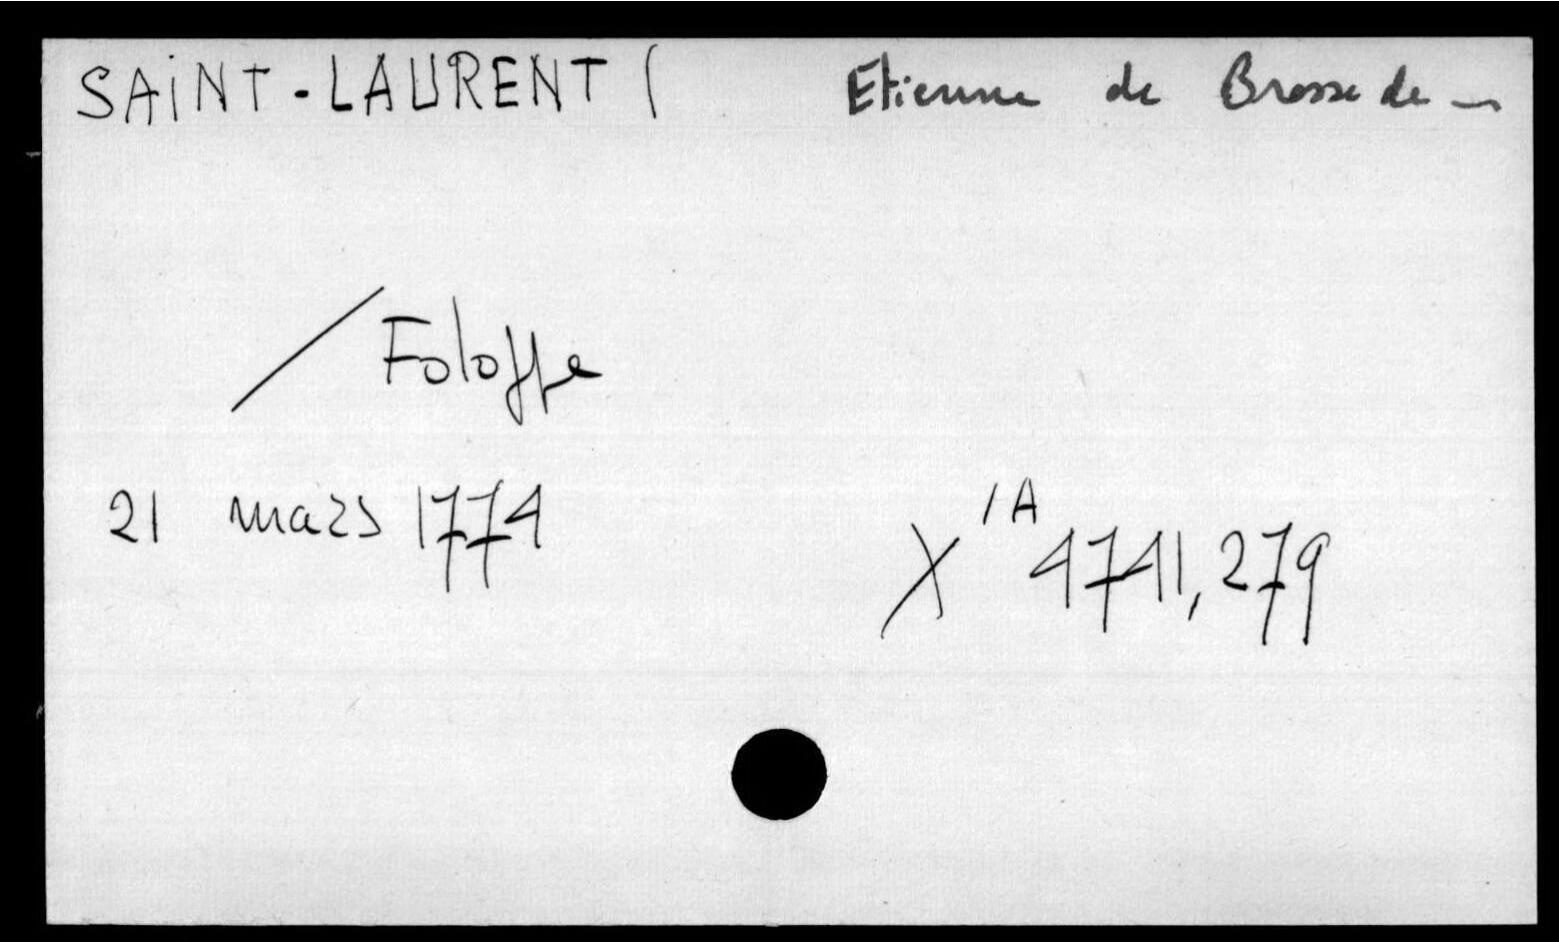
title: SAINT-LAURENT (Étienne de Brosse de)
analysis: Contre Foloppe
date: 21 mars 1774
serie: X1A
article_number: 4741
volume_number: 279
